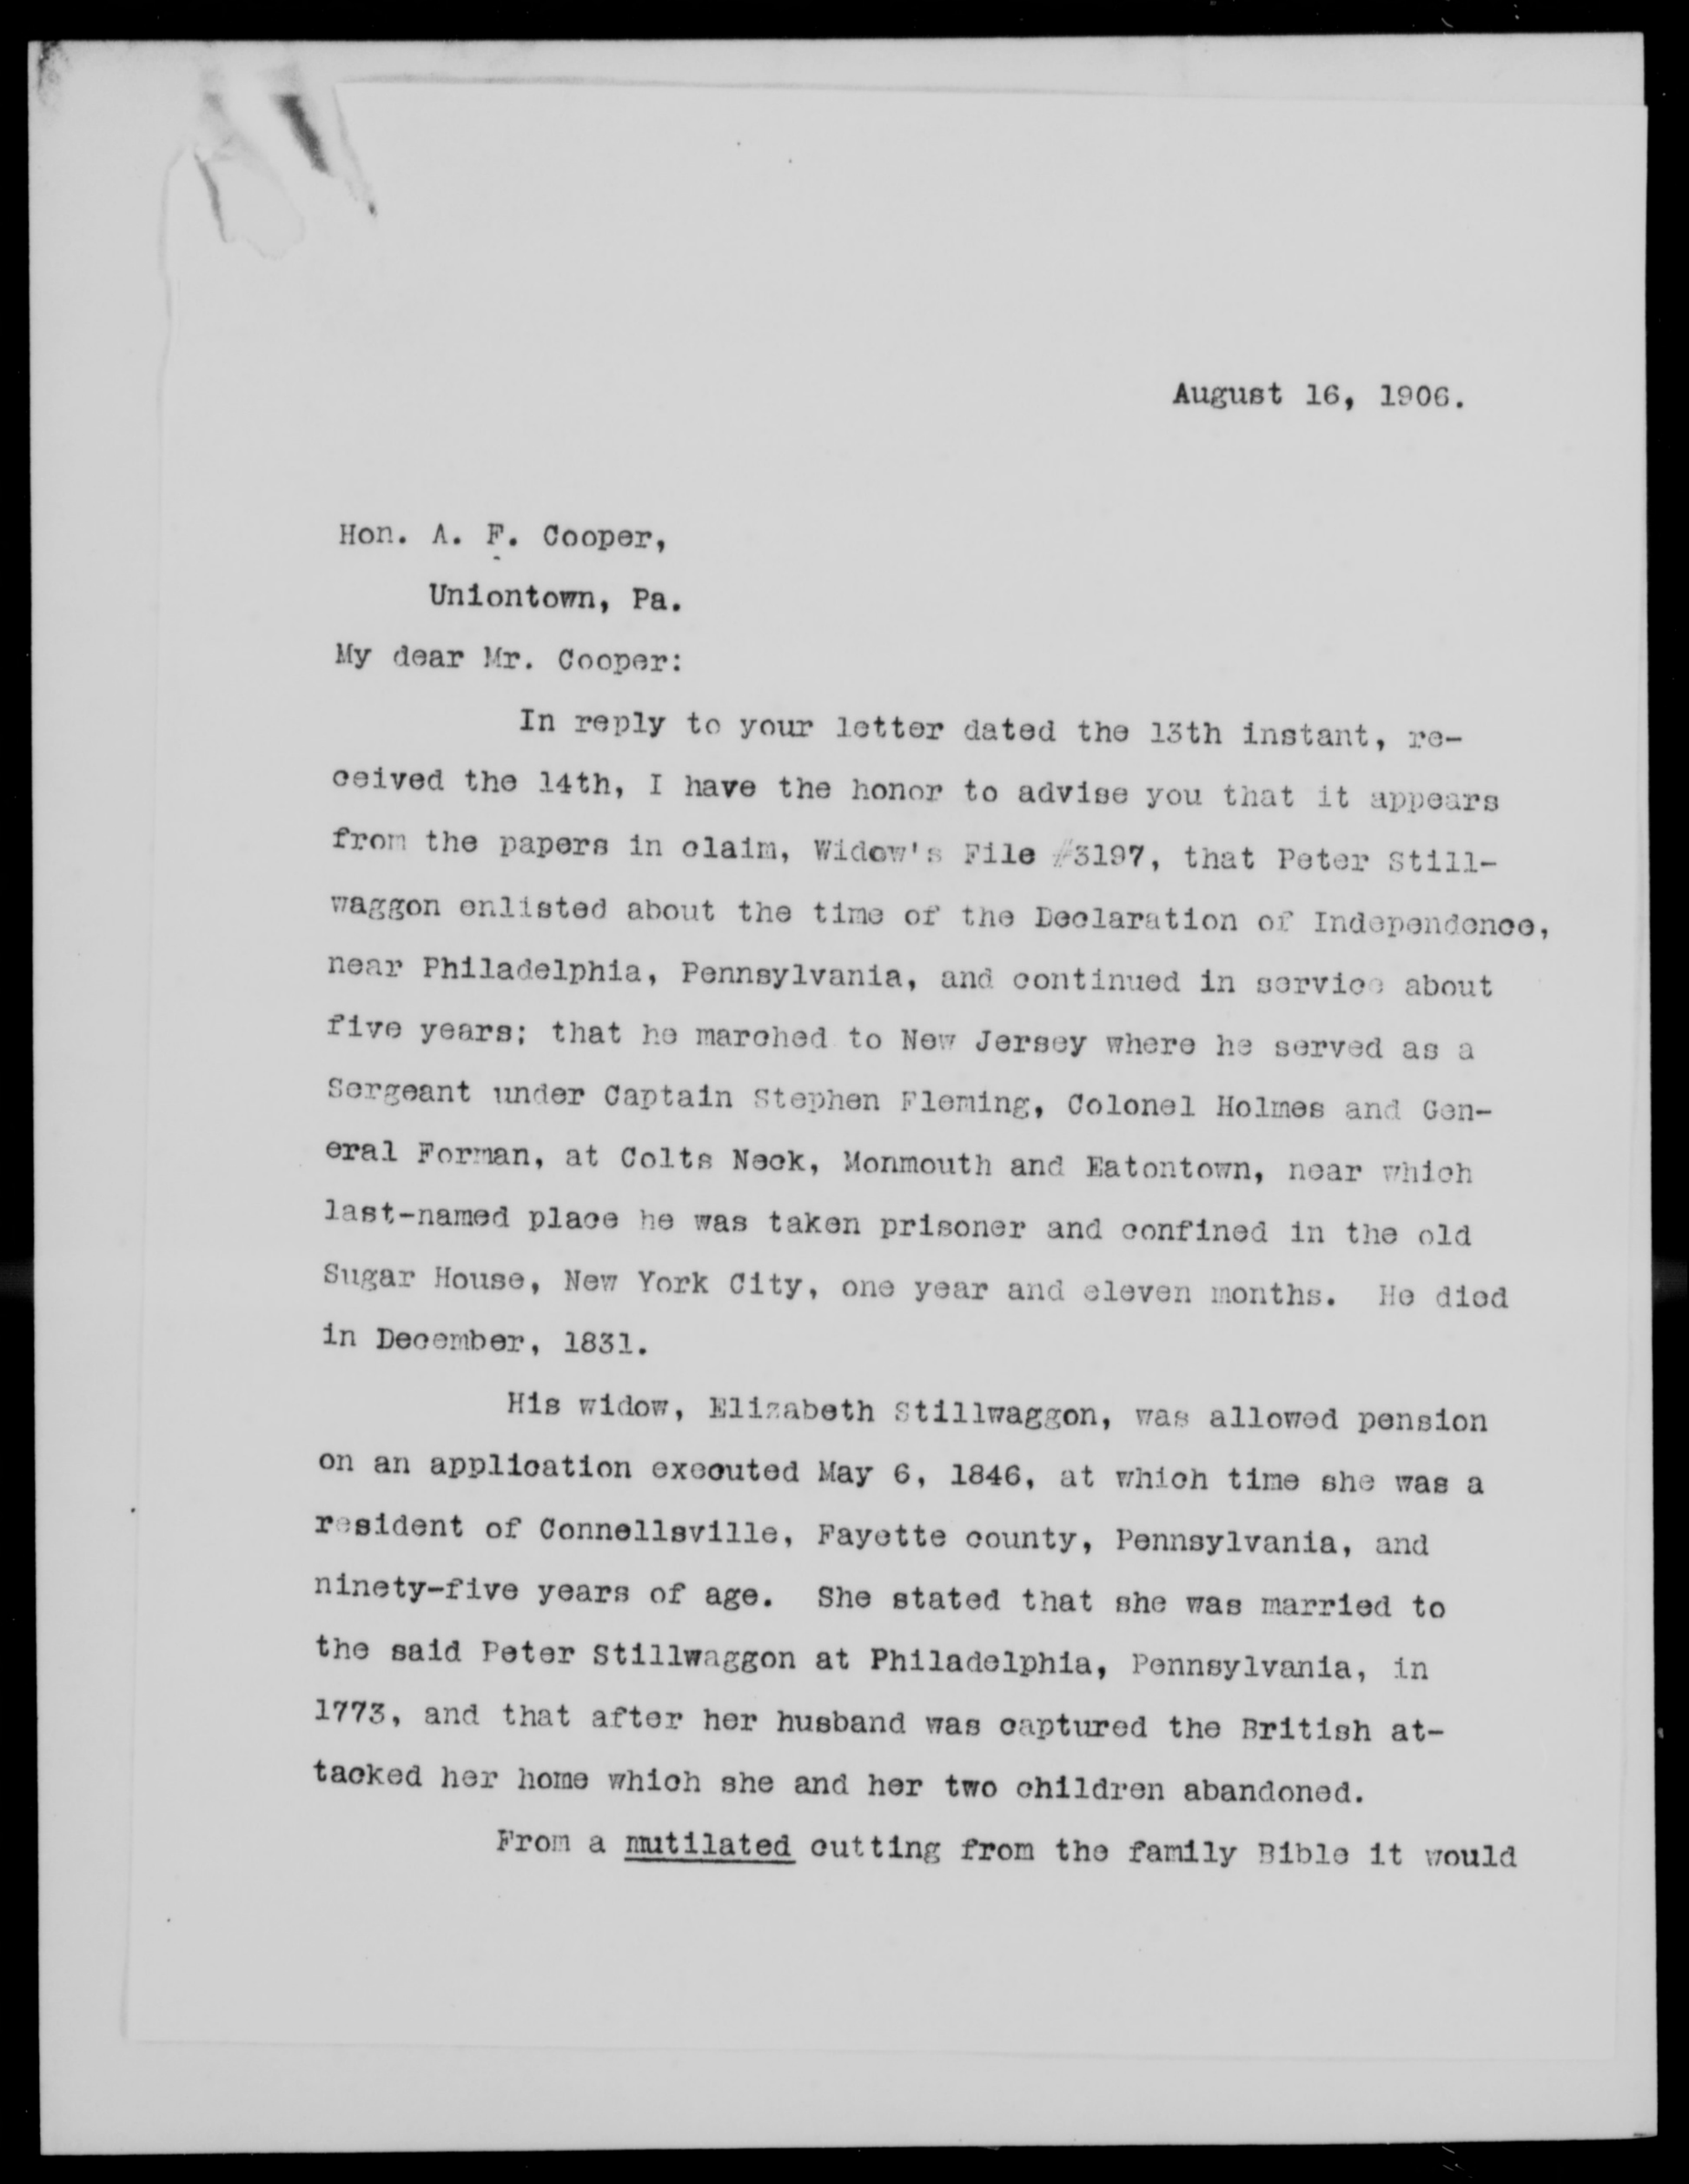August 16, 1906
Hon. A. F. Cooper, 
     Uniontown, Pa.
My dear Mr. Cooper:
	In reply to your letter dated the 13th instant, received the 14th, I have the honor to advise you that it appears from the papers in the claim, Widow’s File #3197, that Peter Stillwaggon enlisted about the time of the Declaration of Independence, near Philadelphia, Pennsylvania, and continued in service about five years; that he marched to New Jersey where he served as a Sergeant under Captain Stephen Fleming, Colonel Holmes and General Forman, at Colts Neck, Monmouth and Eatontown, near which last-named place he was taken prisoner and confined in the old Sugar House, New York City, one year and eleven months. He died in December, 1831.
	His widow, Elizabeth Stillwaggon, was allowed pension on an application executed May 6, 1846, at which time she was a resident of Connellsville, Fayette County, Pennsylvania, and ninety-five years of age. She stated that she was married to the said Peter Stillwaggon at Philadelphia, Pennsylvania, in 1773, and that after her husband was captured the British attacked her home which she and her two children abandoned. 
	From a mutilated cutting from the family Bible it would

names: Peter Stillwaggon; [BLANK] Cooper; [BLANK] Forman; [BLANK] Holmes; A F Cooper; Stephen Fleming; Elizabeth Stillwaggon; Peter Stillwaggon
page: 15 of 73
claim: widow's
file: W. 3197, for Peter Stillwagon, New Jersey